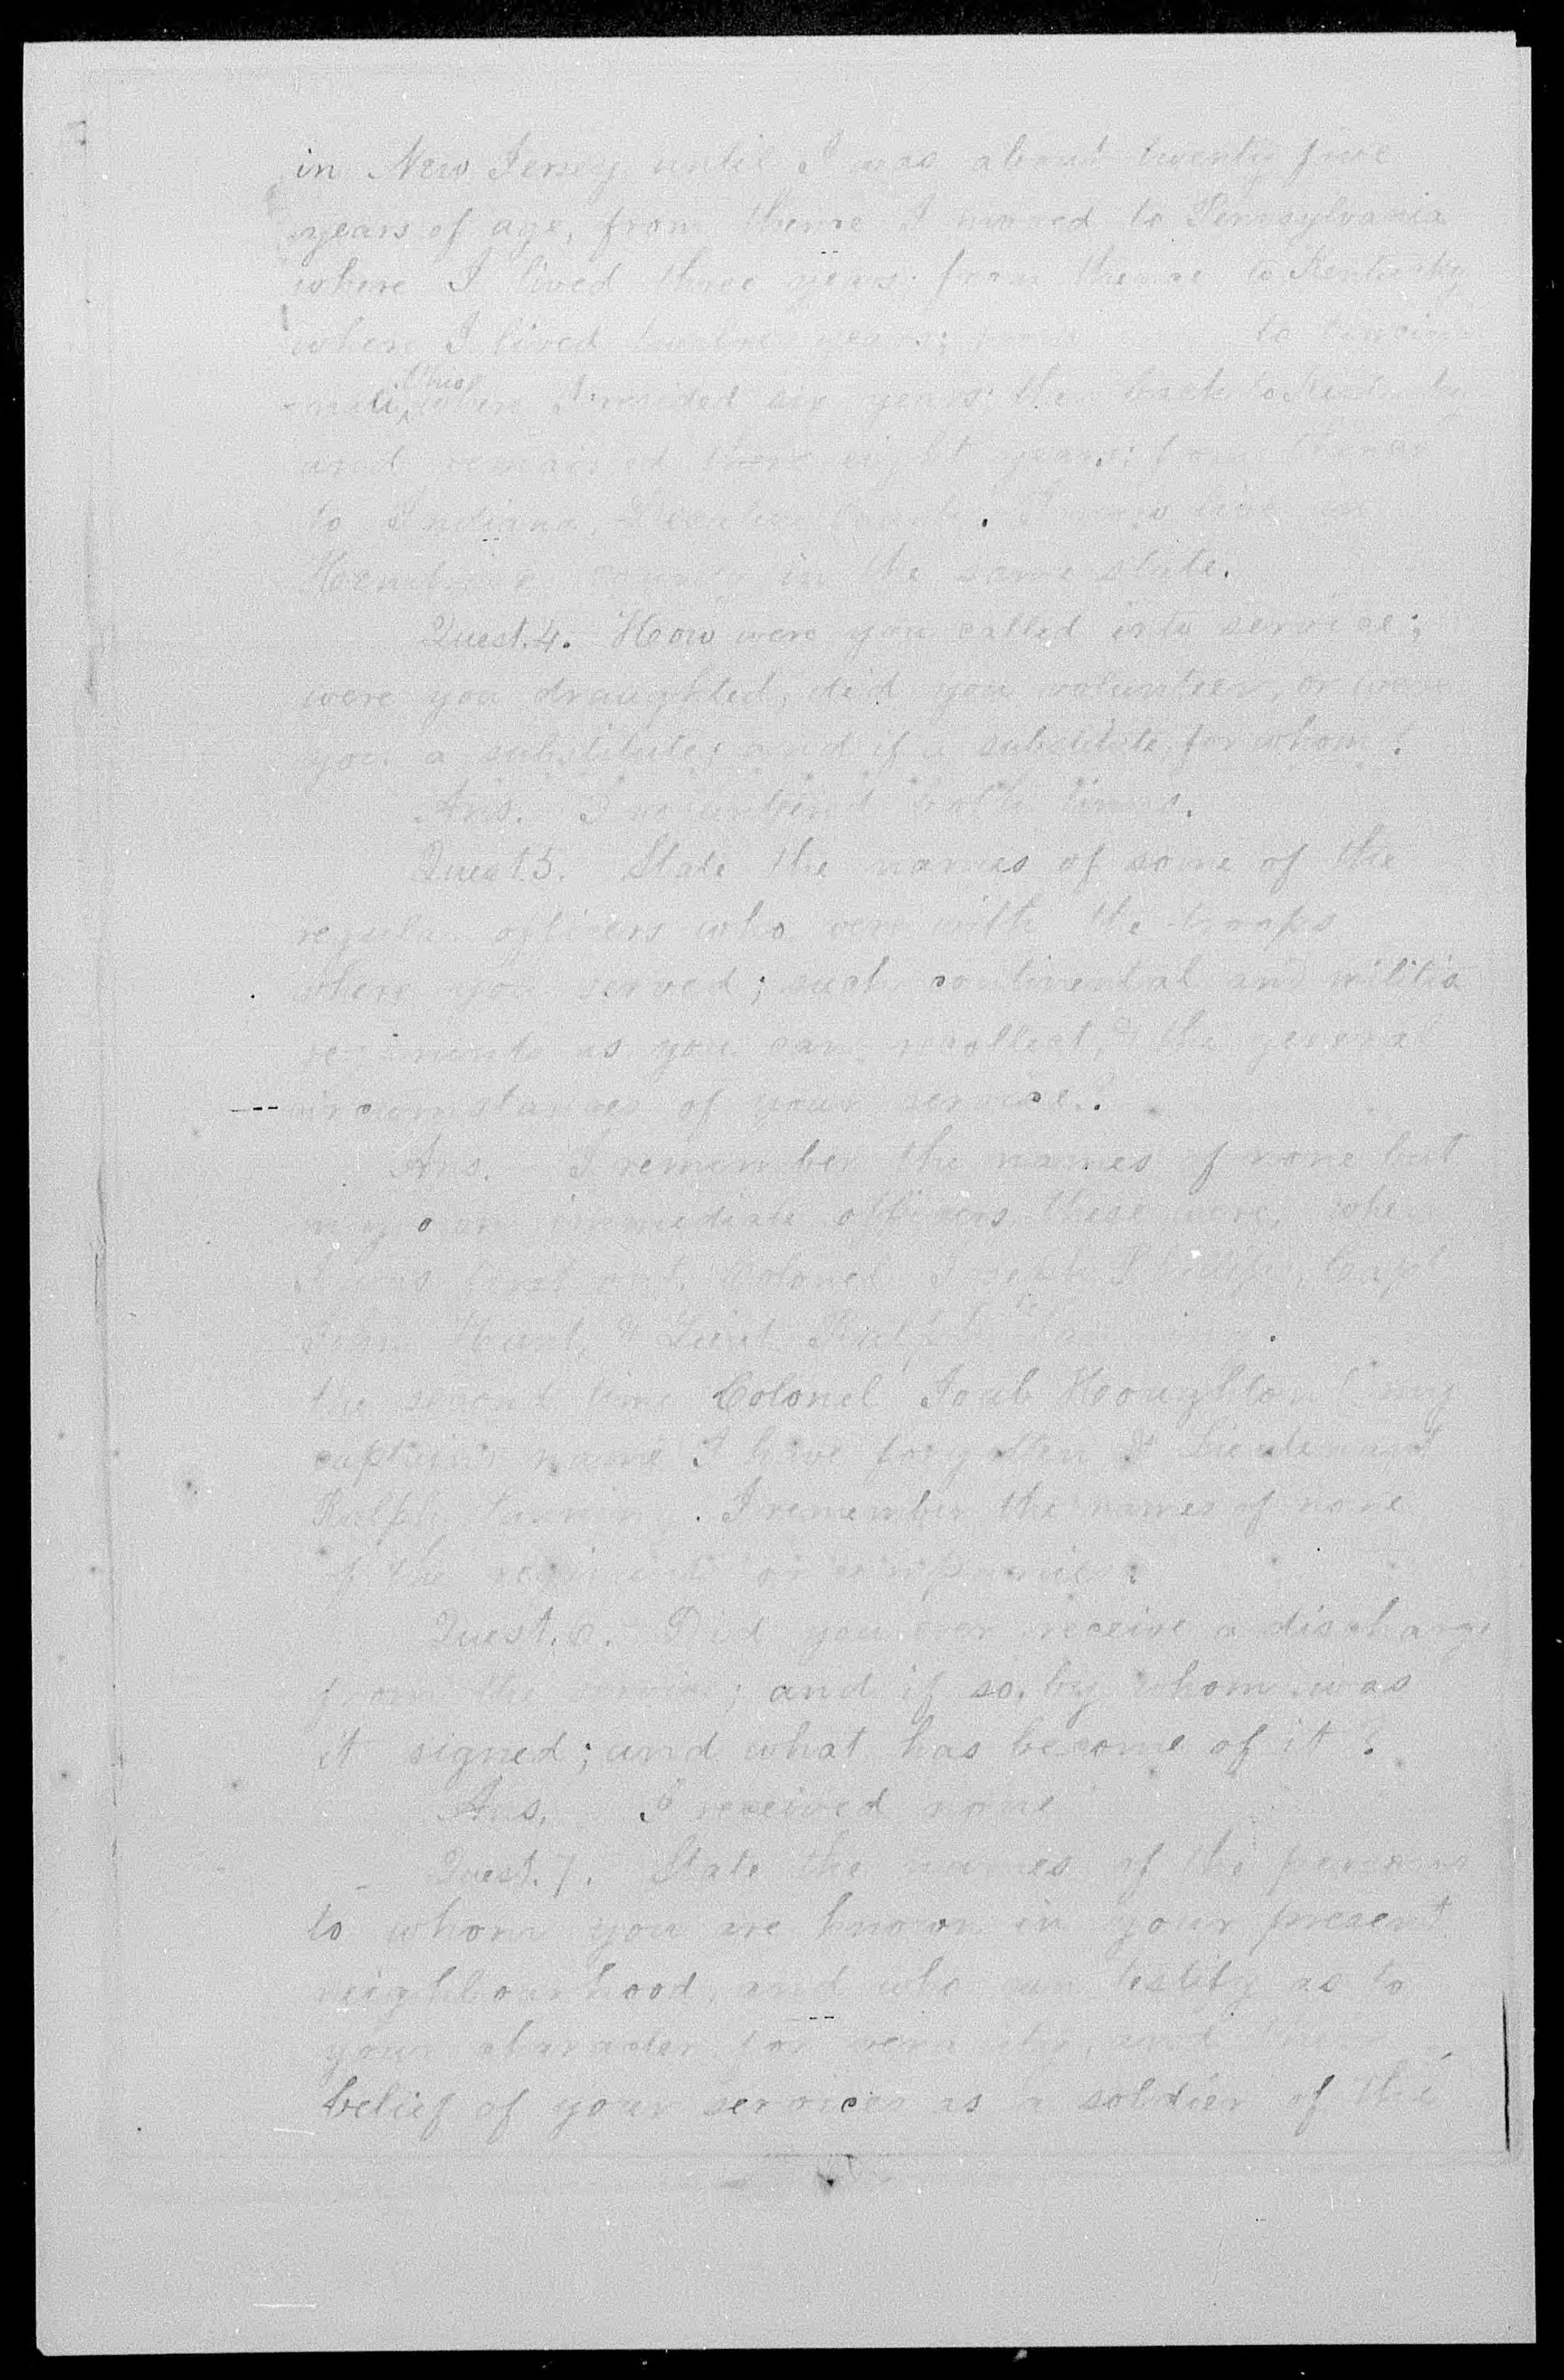in New Jersey until I was about twenty five years of age, from there I moved to Pennsylvania where I lived three years, from there to Kentucky where I lived [illegible] years, from there to Cincinatti Ohio where I resided six years, then back to Trenton and remained there eight years, from there to Indiana  [illegible] in the same state.

Quest. 4. How were you called into service; were you drafted, did you volunteer, or were you a substitute?  If a substitute, for whom?
Ans. I volunteered both times.

Quest 5.  State the names of some of the Regular Officers, who were with the troops, where you served; such Continental and Militia Regiments as you can recollect, and the general circumstances of your services.
Ans. I remember the names of none but my own immediate officers, these were when I was first out Colonel Joseph Phillips, Captain John Hunt & Lieut. Ralph Lannings.  The second time Colonel Joab Houghton, the captains name I have forgotten, Lieut Ralph Lanning.  I remember the names of none of the regiments or companies.

Quest. 6  Did you ever receive a discharge from the service, and if so, by whom was it given and what has become of it?
Ans.  I received none.

Quest. 7.  State the names of persons to whom you are known in your present neighborhood, and who can testify as to your character for veracity, and their belief of your services as a soldier of the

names: Joab Houghton; Joseph Phillips; John Hunt; Ralph Lannings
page: 10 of 18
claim: rejected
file: R. 5393, for Israel Hunt, New Jersey